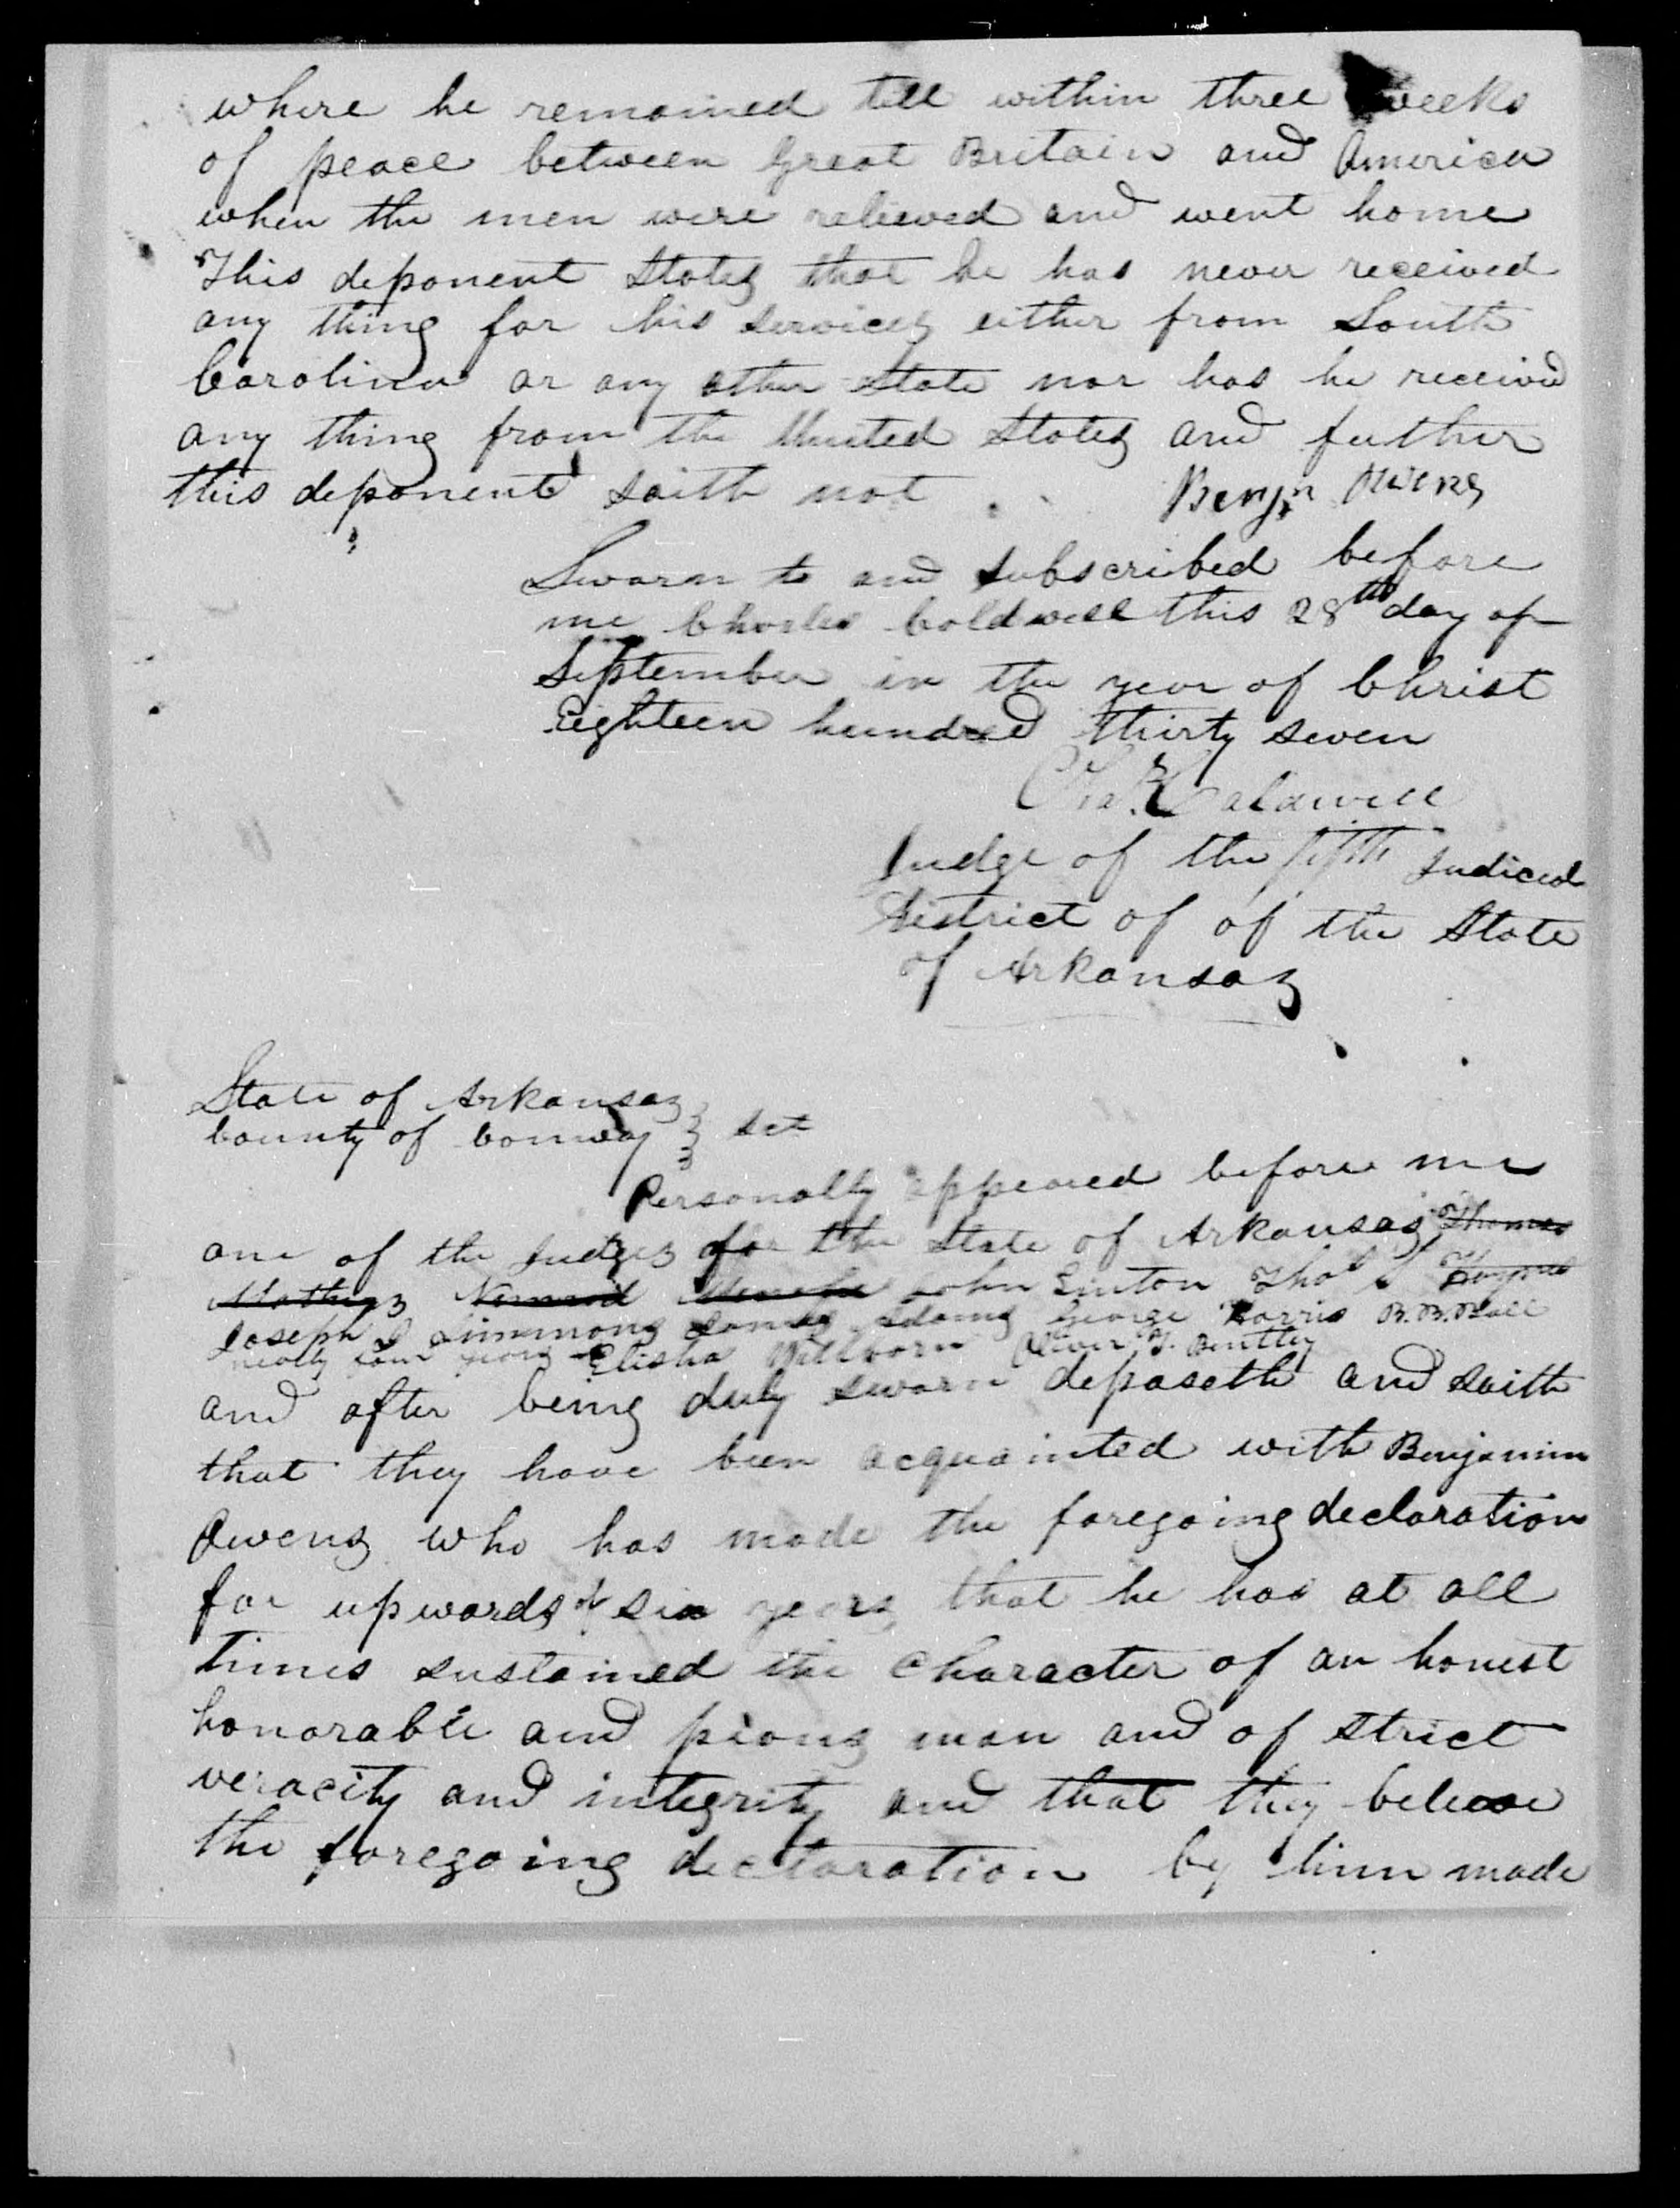where he remained till within three weeks of peace between Great Britain and America when the men were relieved and went home This deponent states that he has never received any thing for his services either from South Carolina or any other State nor has he received any thing from the United States and further this deponent saith not.
Benjn Owens
Sworn to and subscribed before
me Charles Coldwell this 28th day of
September in the year of Christ
Eighteen hundred thirty seven
Chas Caldwell
Judge of the fifth Judicial
District of of the State of
Arkansas
State of Arkansas }
County of Conway } SS
Personally appeared before me one of the Judges for the State of Arkansas John Linton that Joseph Simmons James Adams George Harris B. B. Ball
really four years Elisha Wellborn OliverT. Bentley and after being duly sworn deposeth and saith that they have been acquainted with Benjamin Owens who has made the foregoing declaration for upwards of six years that he had at all times sustained the character of an honest honorable and pious man and of strict
veracity and integrity and that they believe the foregoing declaration by him made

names: Benjamin Owens; B B Ball; Oliver T Bentley; Elisha Willborn; Joseph J Simmons; George Harris; James Adams; Thos S Haynes; Benjn Owens; John Linton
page: 18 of 28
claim: rejected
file: R. 7846, for Benjamin Owens, South Carolina